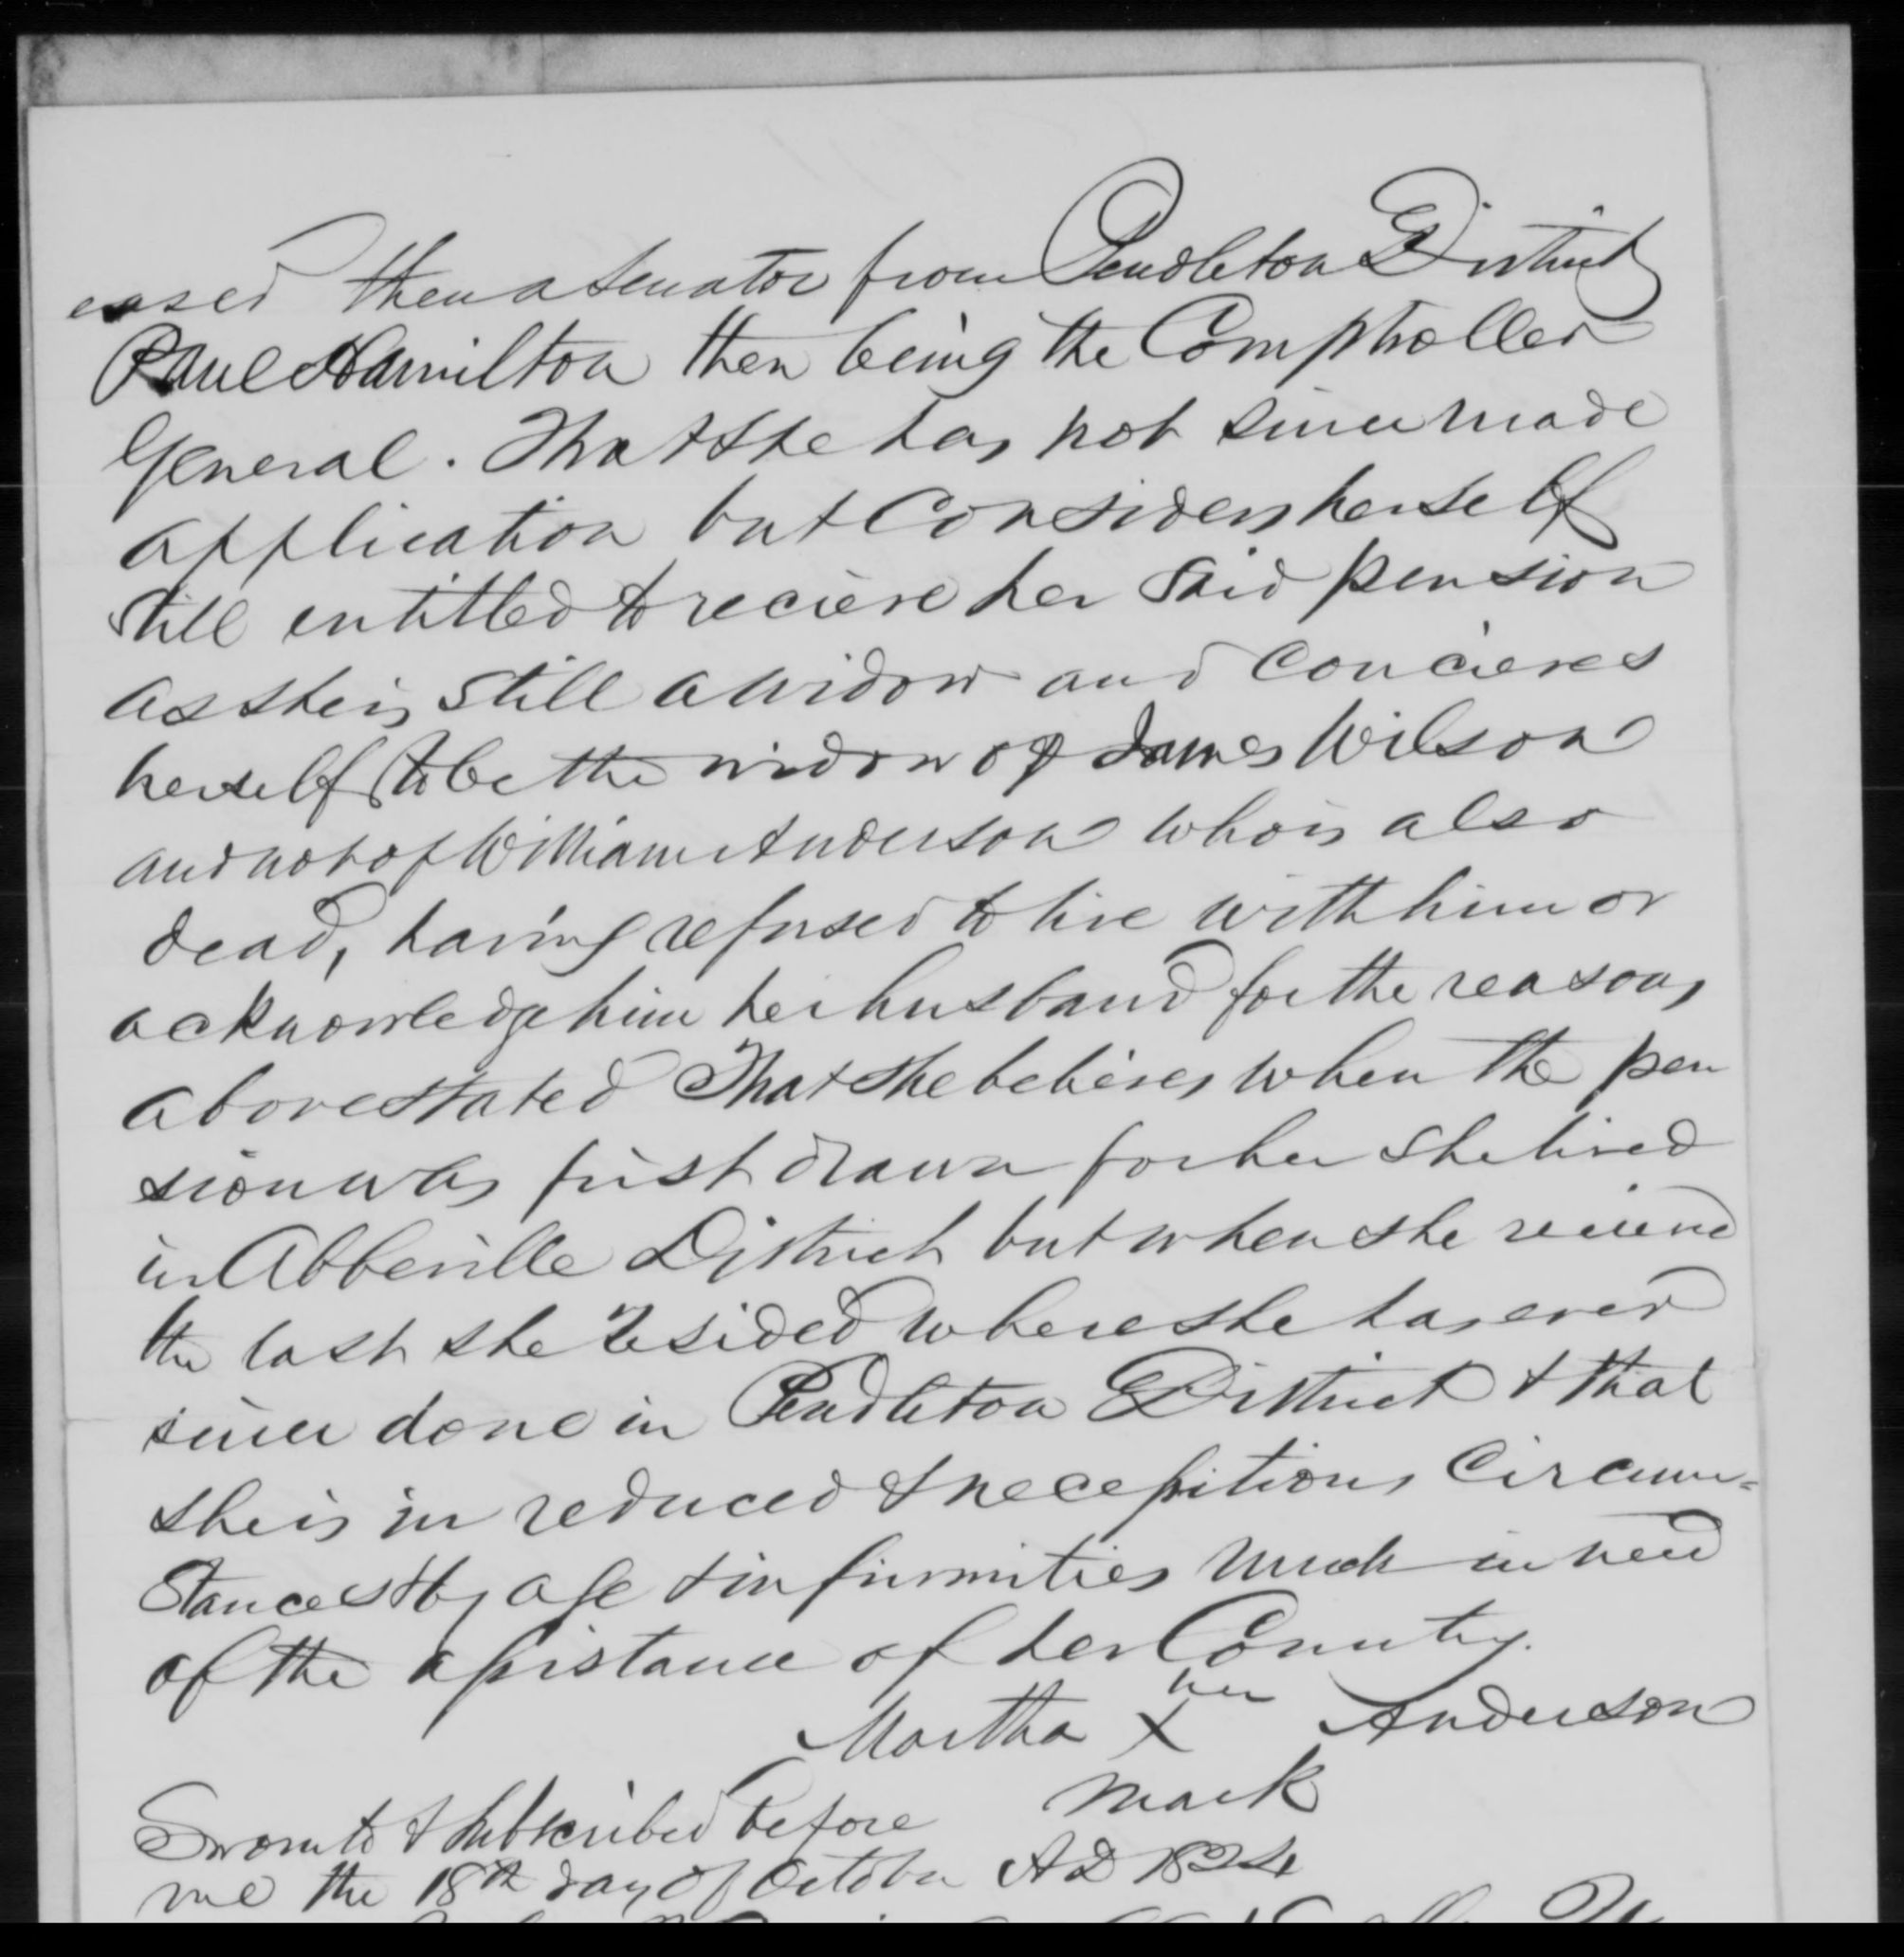-eased then a Senator from Pendleton District
Paul Hamilton then being the Comptroller 
General.  that she has not since made 
application but considers herself 
still entitled to receive her said pension 
as she is still a widow and conceives
herself to be the widow of James Wilson 
and not of William Anderson who is also 
dead, having refused to live with him or 
acknowledge him her husband for the reasons
above stated  That she believes when the pension 
was first drawn for her she lived 
in Abbeville District but when she received
the last she resided where she has ever
since done in Pendleton District & that 
she is in reduced & necessitous circumstances 
& by age & infirmities much in need
of the assistance of her Country.

Martha Anderson  X  her mark

Sworn to & subscribed before
me the 18th day of October AD 1824
[signature runs off bottom of page]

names: Paul Hamilton, James Wilson, William Anderson, Martha Anderson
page: 7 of 18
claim: rejected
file: R. 195, James Wilson, S. C.